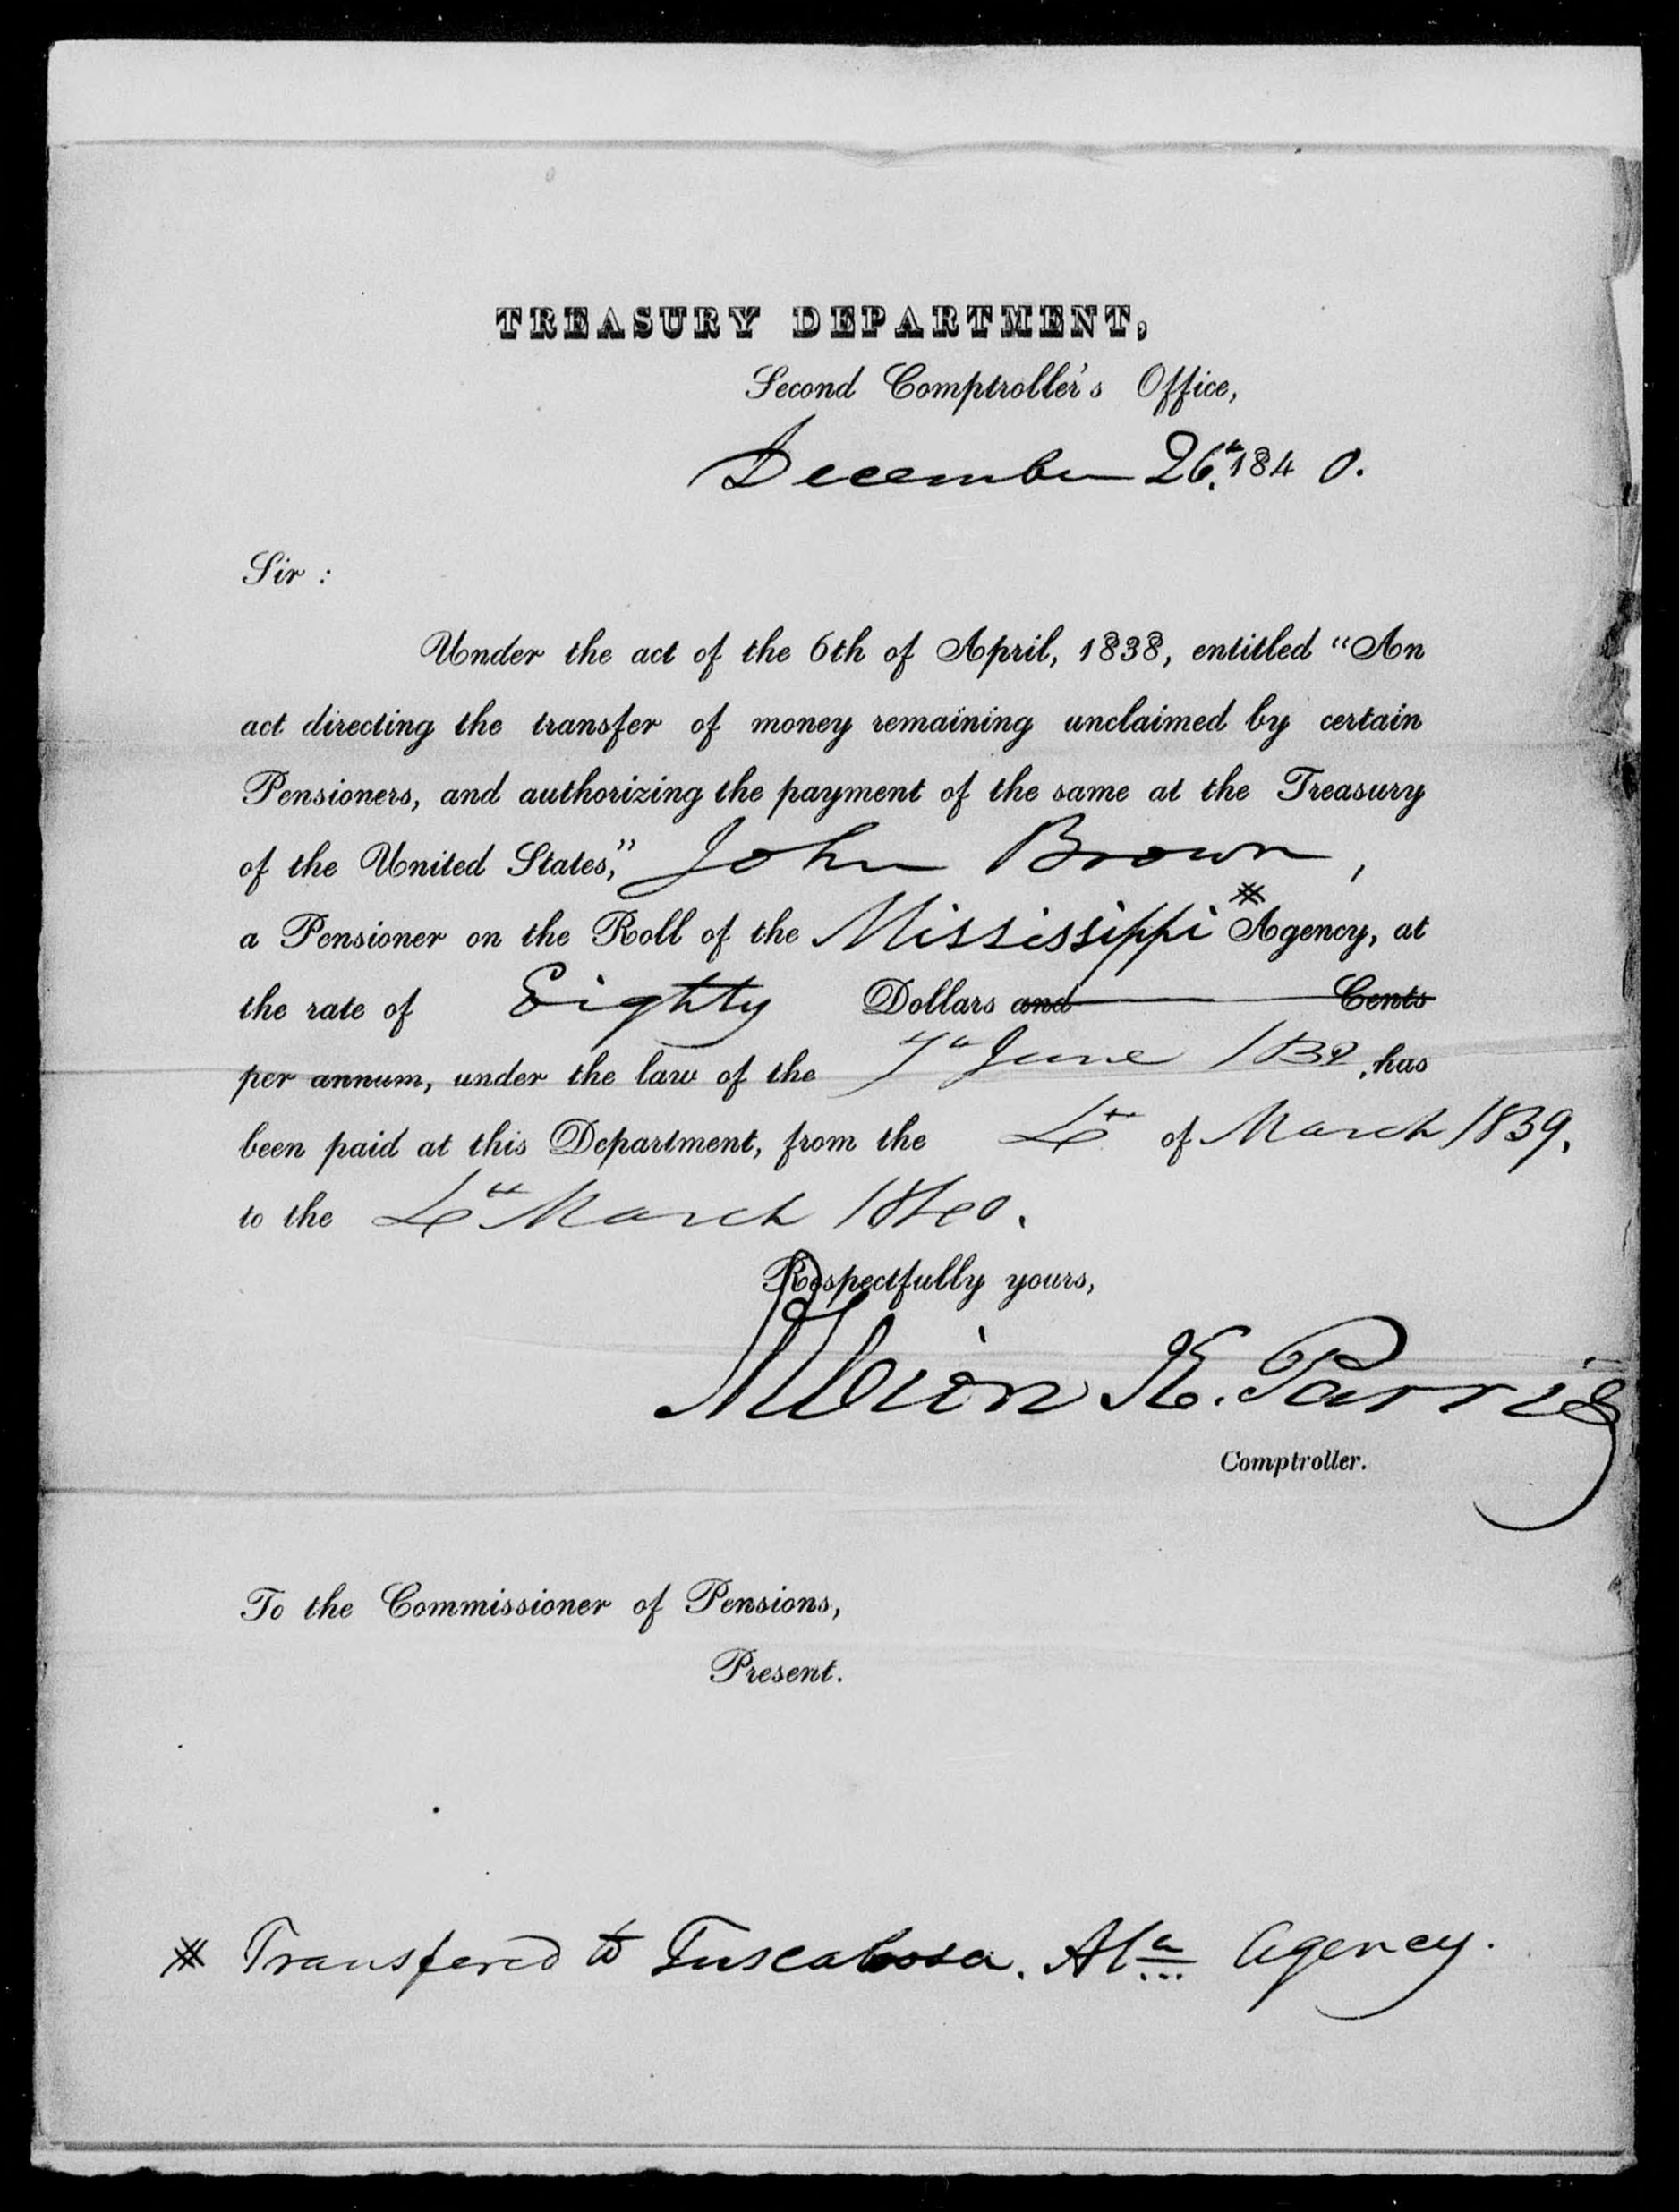TREASURY DEPARTMENT,
Second Comptroller's Office,
December 26th, 1840.
Sir:
Under the act of the 6th of April, 1838, entitle "An act directing the transfer of money remaining unclaimed by certain Pensioners, and authorizing the payment of the same at the treasury of the United States," John Brown, a Pensioner on the Roll of the Mississippi #Agency, at the rate of Eighty Dollars and ____ Cents per annum, under the law of the 7th June 1832, has been paid at this Department, from the 4th of March 1839, to the 4th March 1840. 
Respectfully yours,
Albion K. Parris
Comptroller.

To the Commissioner of Pensions,
Present.

#Transfered to Tuscaloosa, Ala. Agency.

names: Albion K Parris, John Brown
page: 76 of 85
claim: widow's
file: W. 5,906, John Brown, S.C.